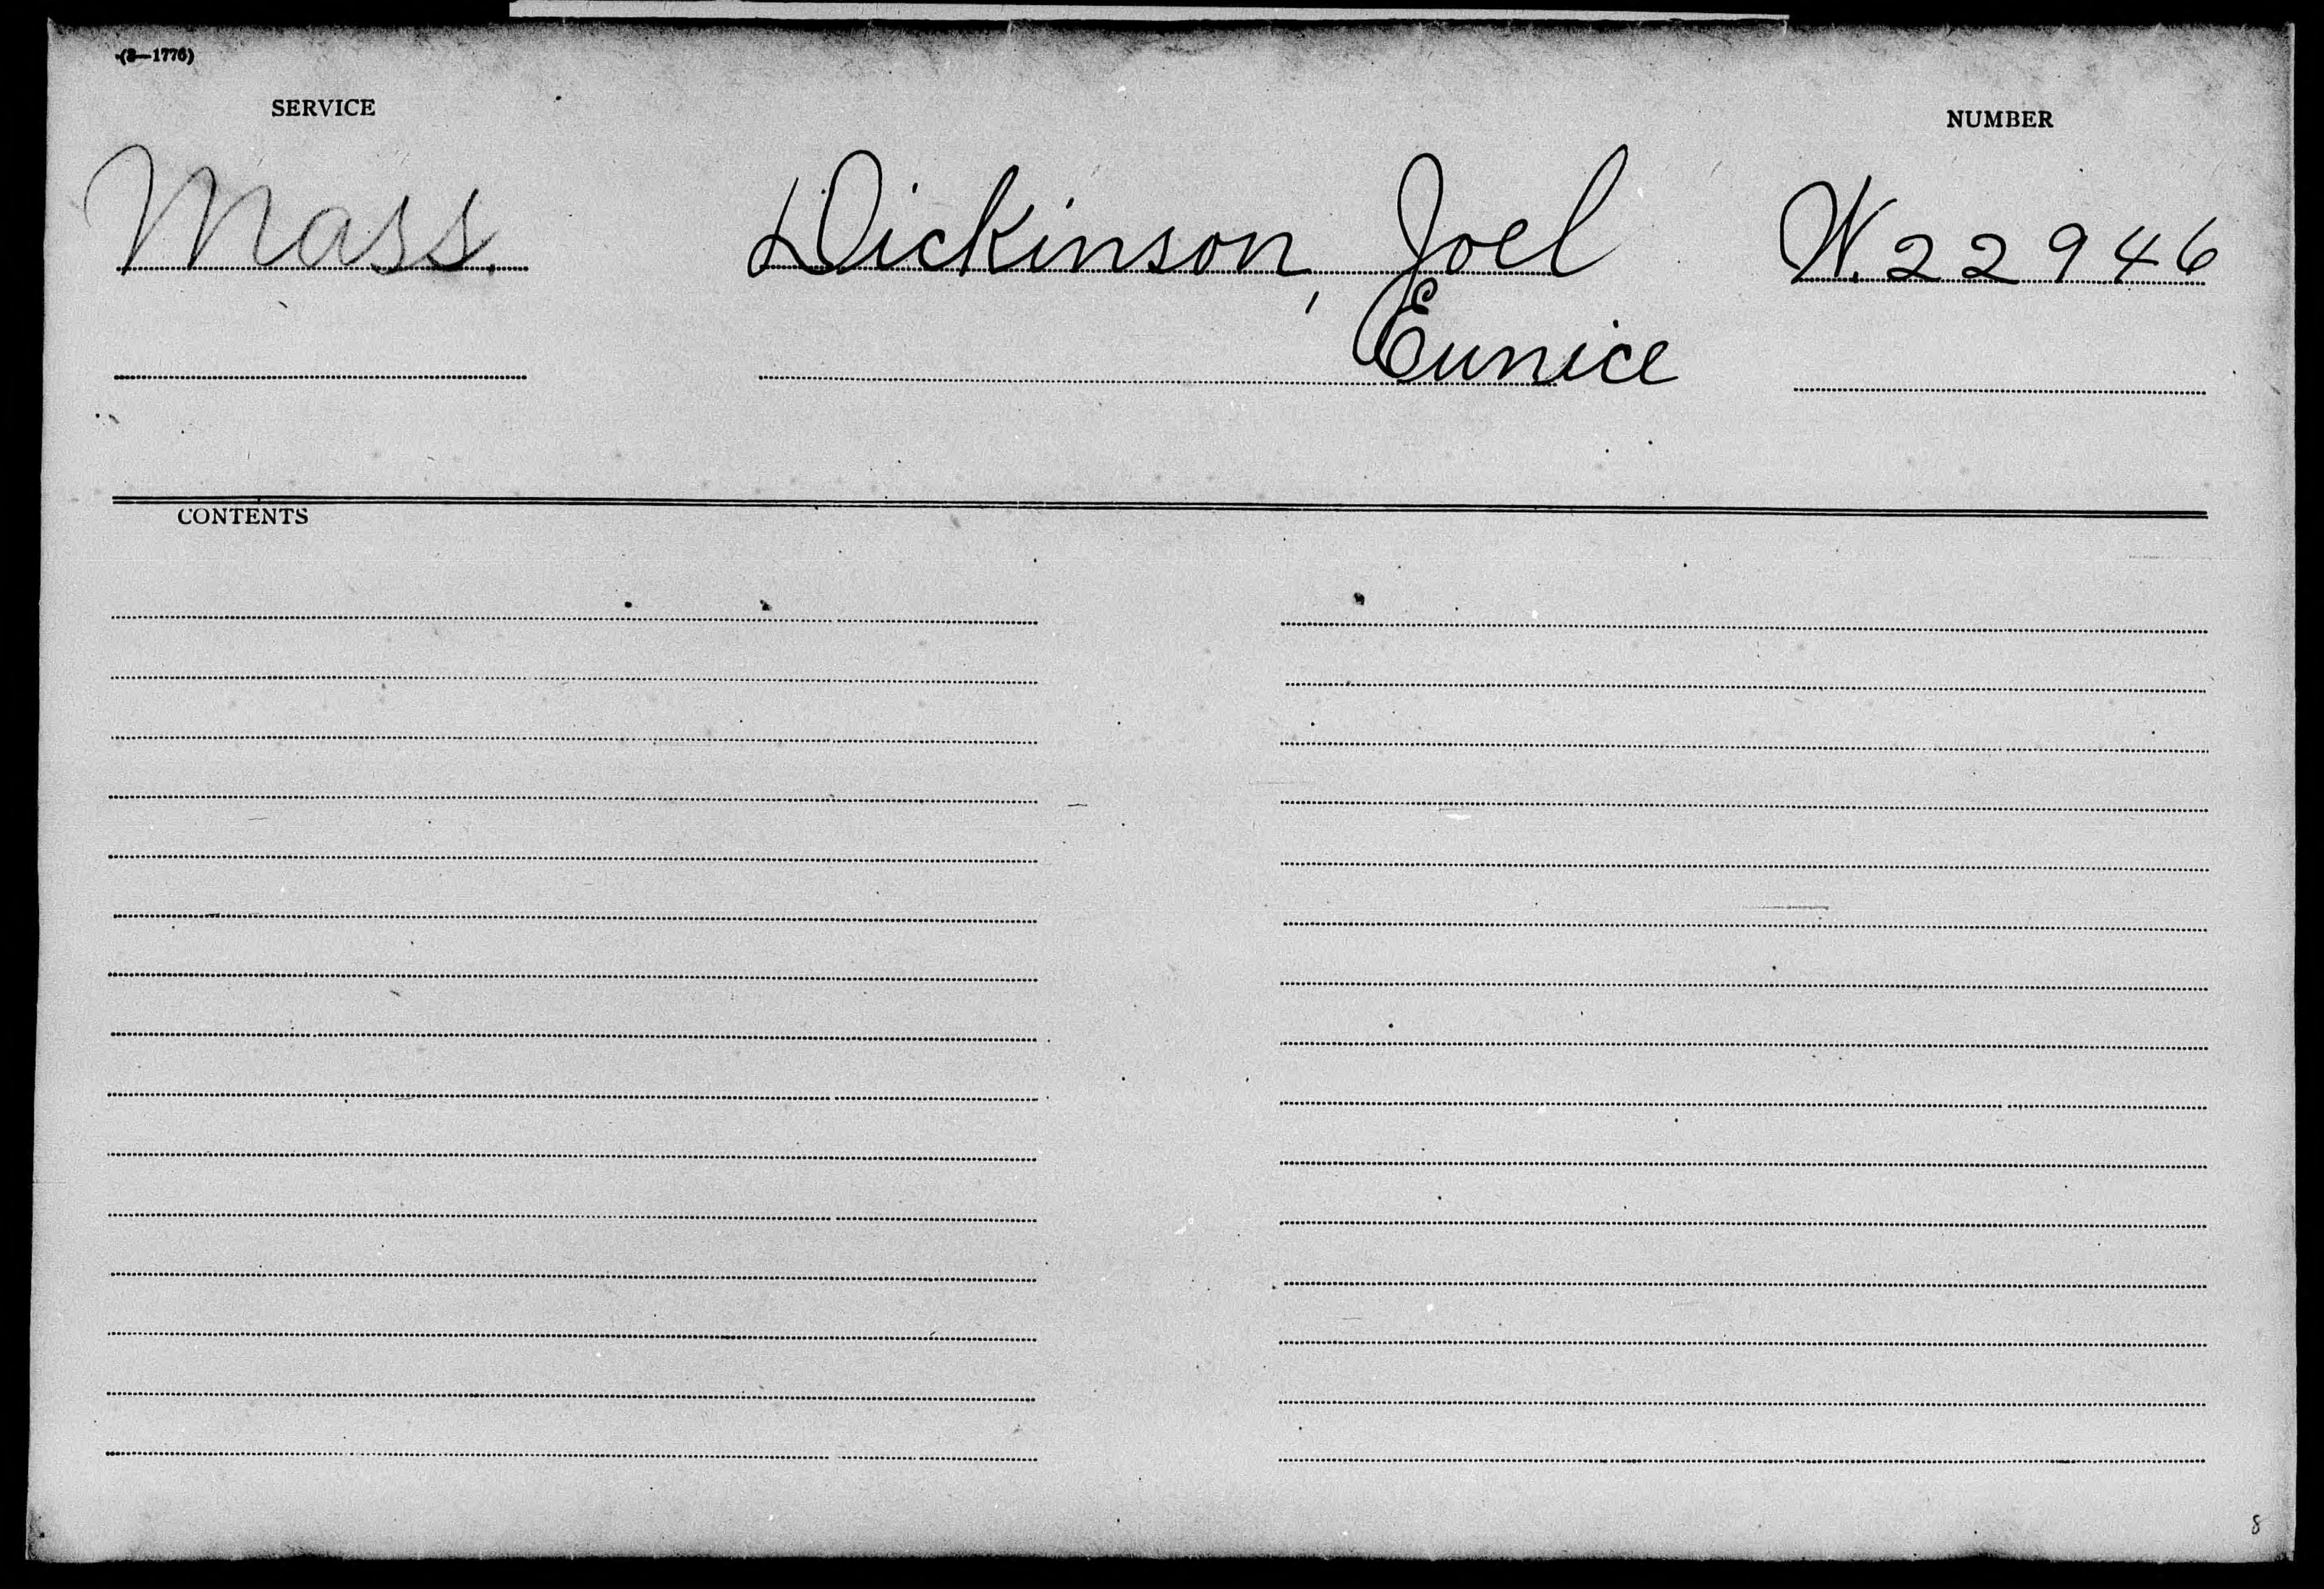Service  Mass
Dickinson, Joel
Eunice
Number W22946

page: 1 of 31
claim: widow's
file: W. 22946, Joel Dickinson, Mass.